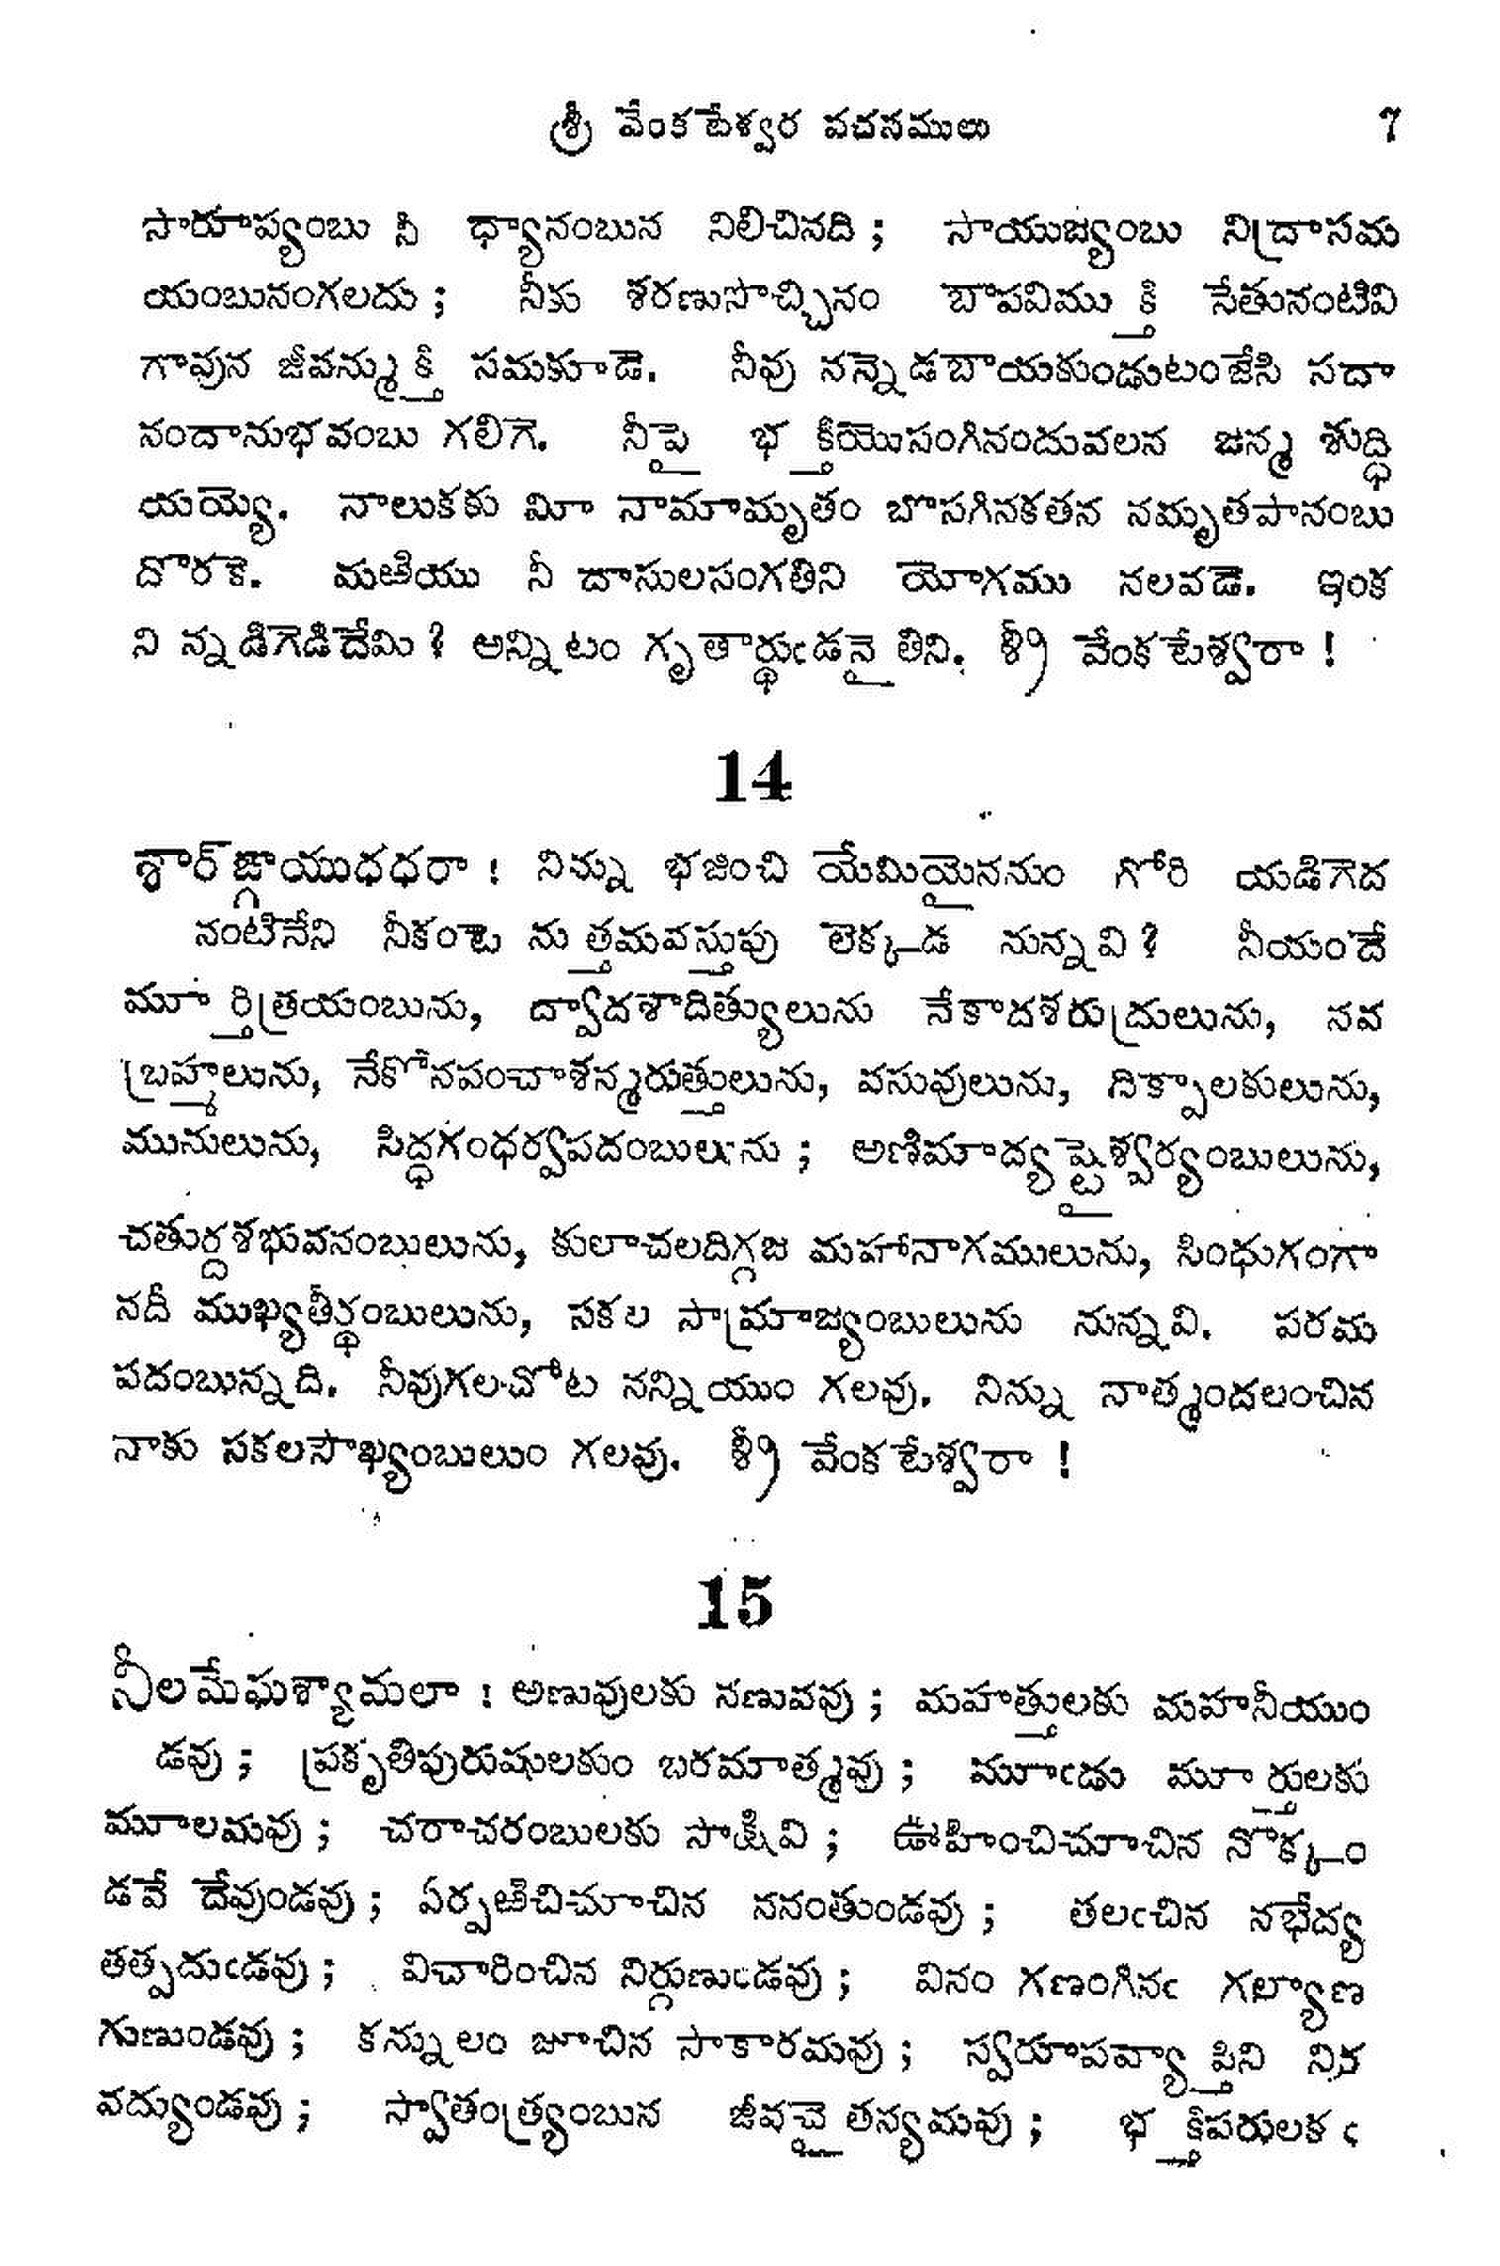సారూప్యంబు నీ ధ్యానంబున నిలిచినది; సాయుజ్యంబు నిద్రాసమయంబునంగలదు; నీకు శరణుసొచ్చినం బాపవిముక్తి సేతునంటివి గావున జీవన్ముక్తి సమకూడె. నీవు నన్నెడబాయకుండుటంజేసి సదానందానుభవంబు గలిగె. నీపై భక్తియొసంగినందువలన జన్మ శుద్ధియయ్యె. నాలుకకు మీ నామామృతం బొసగినకతన నమృతపానంబు దొరకె. మఱియు నీ దాసులసంగతిని యోగము నలవడె. ఇంక ని న్నడిగెడిదేమి? అన్నిటం గృతార్థుఁడనైతిని. శ్రీ వేంకటేశ్వరా!

14 

! నిన్ను భజించి యేమియైననుం గోరి యడిగెద నంటినేని నీకంటె నుత్తమవస్తుపు లెక్కడ నున్నవి? నీయందే మూర్తిత్రయంబును, ద్వాదశాదిత్యులును నేకాదశరుద్రులును, నవబ్రహ్మలును, నేకోనపంచాశన్మరుత్తులును, వసువులును, దిక్పాలకులును, మునులును, సిద్ధగంధర్వపదంబులును; అణిమాద్యష్టైశ్వర్యంబులును, చతుర్దశభువనంబులును, కులాచలదిగ్గజ మహానాగములును, సింధుగంగానదీ ముఖ్యతీర్థంబులును, సకల సామ్రాజ్యంబులును నున్నవి. పరమపదంబున్నది. నీవుగలచోట నన్నియుం గలవు. నిన్ను నాత్మందలంచిన నాకు సకలసౌఖ్యంబులుం గలవు. శ్రీ వేంకటేశ్వరా!

15 

! అణువులకు నణువవు; మహత్తులకు మహనీయుండవు; ప్రకృతిపురుషులకుం బరమాత్మవు; మూఁడు మూర్తులకు మూలమవు; చరాచరంబులకు సాక్షివి; ఊహించిచూచిన నొక్కండవే దేవుండవు; ఏర్పఱిచిచూచిన ననంతుండవు; తలఁచిన నభేద్యతత్పదుఁడవు; విచారించిన నిర్గుణుఁడవు; వినం గణంగినఁ గల్యాణగుణుండవు; కన్నులం జూచిన సాకారమవు; స్వరూపవ్యాప్తిని నిరవద్యుండవు; స్వాతంత్ర్యంబున జీవచైతన్యమవు; భక్తిపరులకుఁ